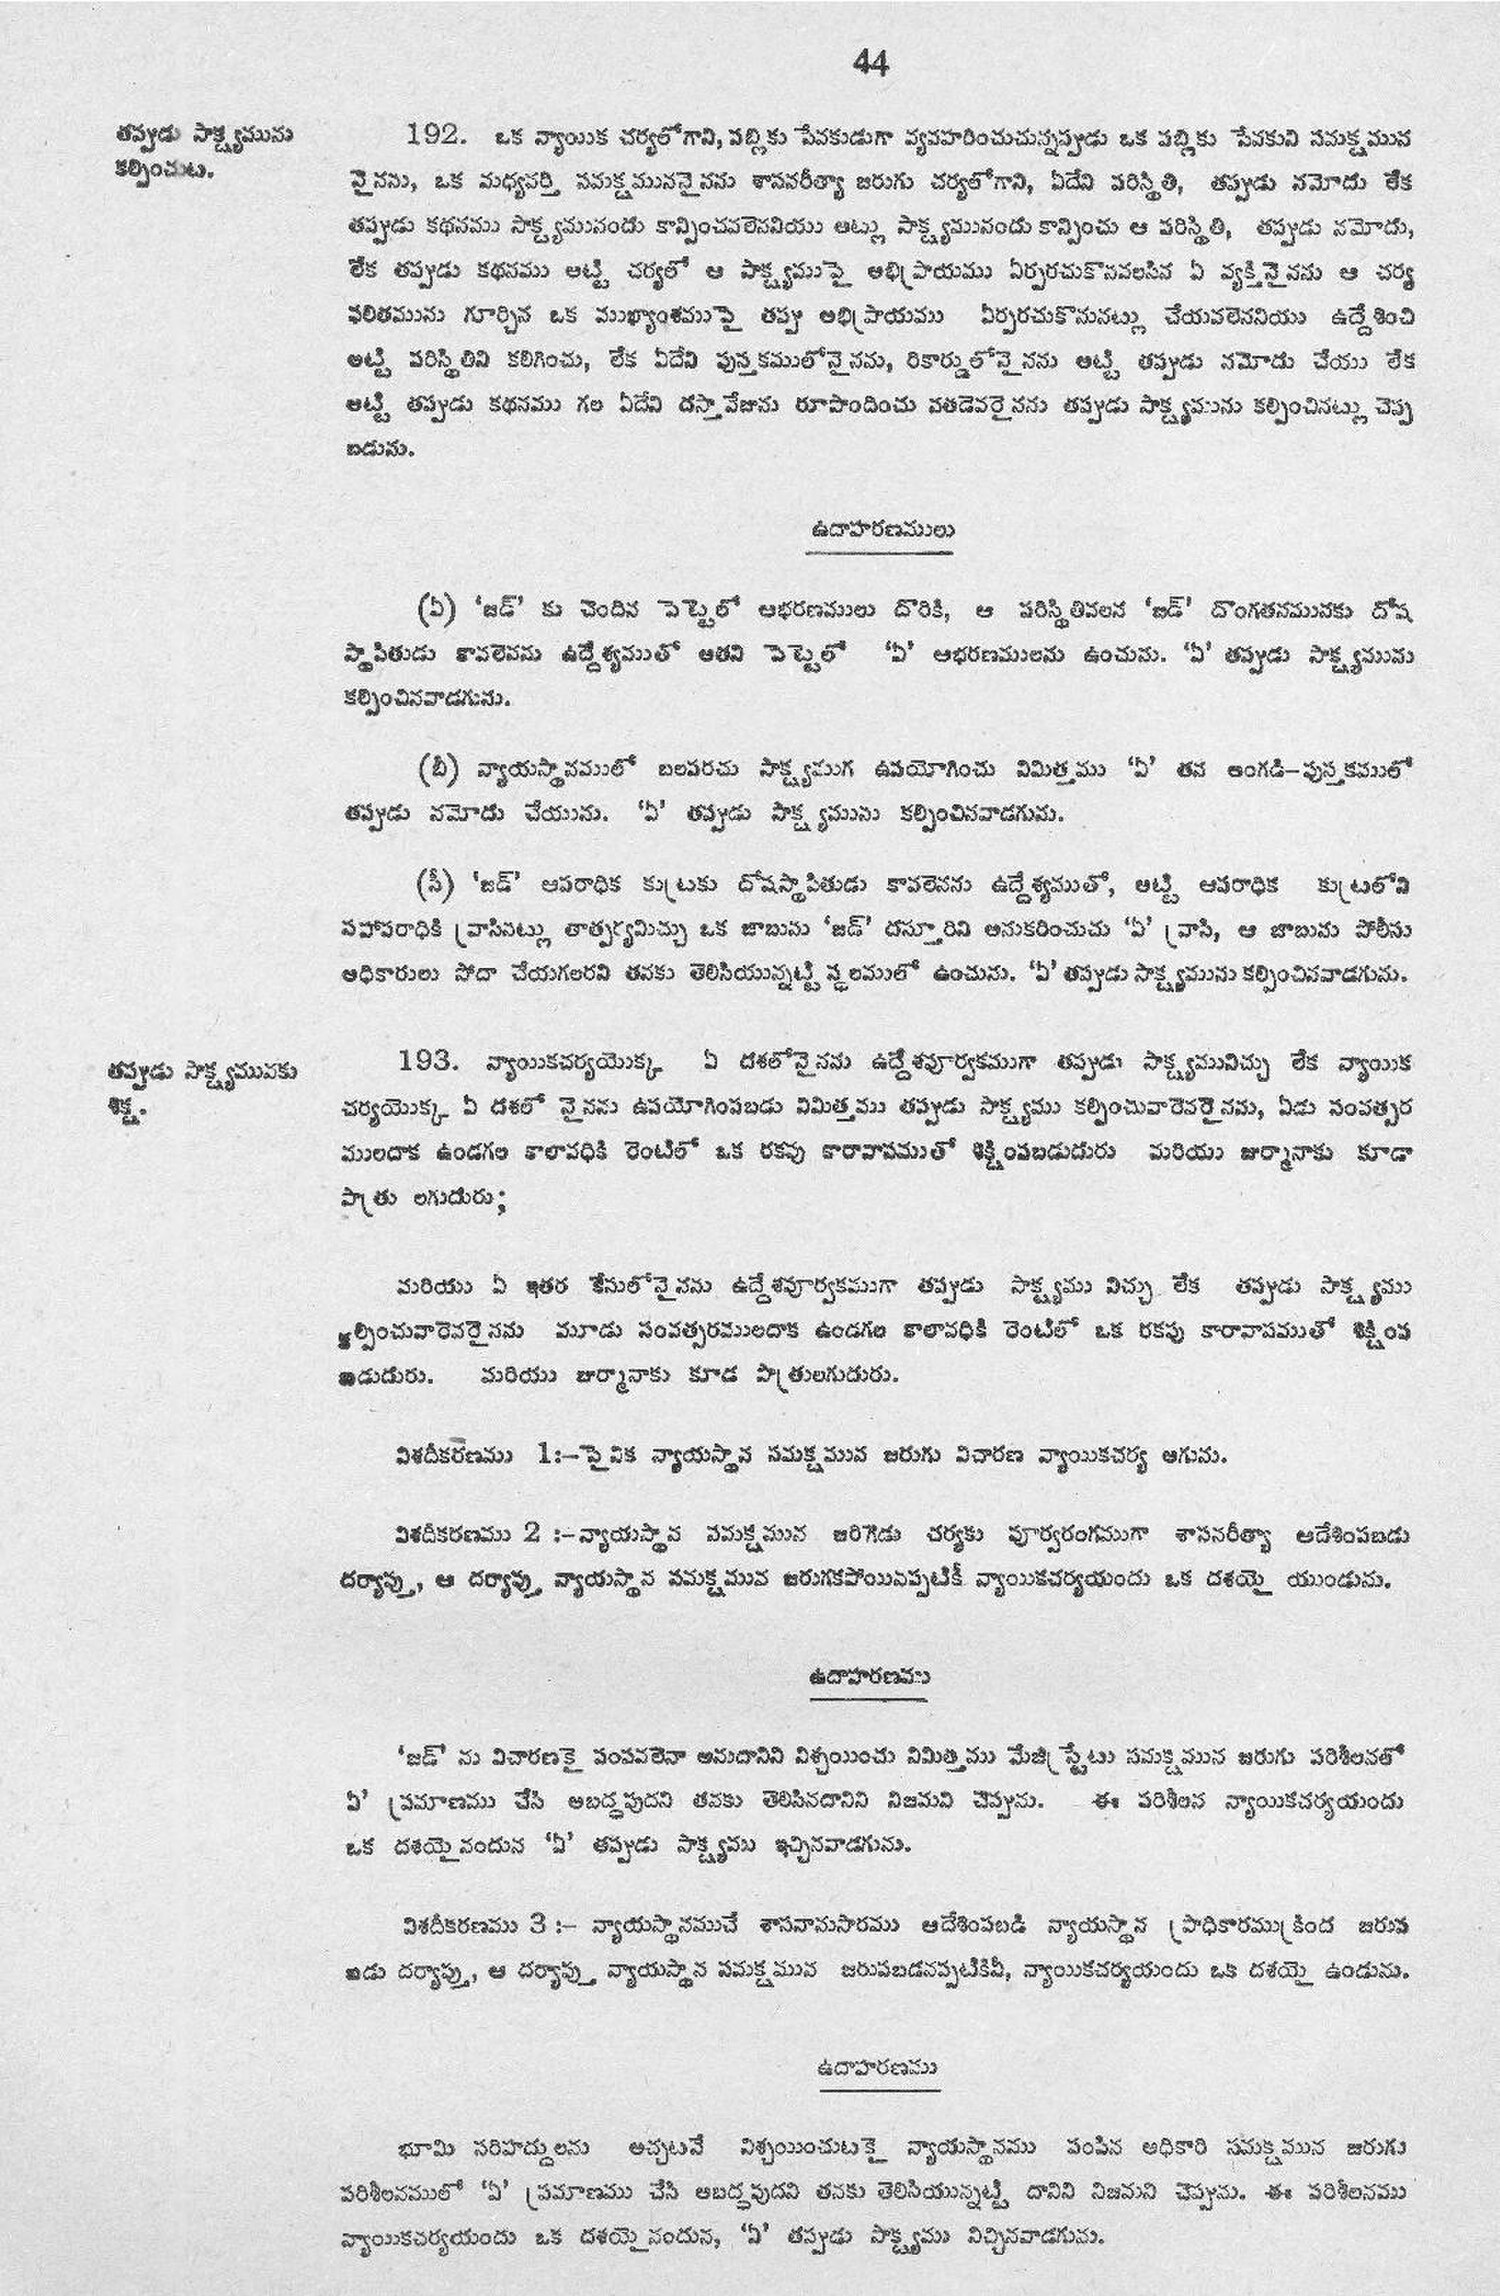తప్పుడు సాక్ష్యమును కల్పించుట.

192. ఒక న్యాయిక చర్యలో గాని, పబ్లికు సేవకుడుగా వ్యవహరించుచున్నప్పుడు ఒక పబ్లికు సేవకుని సమక్షమున నైనను, ఒక మధ్యవర్తి సమక్షముననైనను శాసనరీత్యా జరుగు చర్యలోగాని, ఏదేని పరిస్థితి, తప్పుడు నమోదు లేక తప్పుడు కథనము సాక్ష్యమునందు కాన్పించవలెననియు అట్లు సాక్ష్యమునందు కాన్పించు ఆ పరిస్థితి, తప్పుడు నమోదు, లేక తప్పుడు కథనము అట్టి చర్యలో ఆ సాక్ష్యము పై అభిప్రాయము ఏర్పరచుకొనవలసిన ఏ వ్యక్తి నైనను ఆ చర్య
ఫలితమును గూర్చిన ఒక ముఖ్యాంశము పై తప్పు అభిప్రాయము ఏర్పరచుకొనునట్లు చేయవలెననియు ఉద్దేశించి అట్టి పరిస్థితిని కలిగించు, లేక ఏదేవి పుస్తకములోనై నను, రికార్డులోనైనను అట్టి తప్పుడు నమోదు చేయు లేక అట్టి తప్పుడు కథనము గల ఏదేని దస్తావేజును రూపొందించు నతడెవరైనను తప్పుడు సాక్ష్యమును కల్పించినట్లు చెప్పబడును.

(ఏ) 'జడ్' కు చెందిన పెట్టెలో ఆభరణములు దొరికి, ఆ పరిస్థితివలన 'జడ్' దొంగతనమునకు దోష స్థాపితుడు కావలెనను ఉద్దేశ్యముతో ఆతని పెట్టెలో 'ఏ' ఆభరణములను ఉంచును. “ఏ' తప్పుడు సాక్ష్యమును కల్పించినవాడగును.

(బి) న్యాయస్థానములో బలపరచు సాక్ష్యముగ ఉపయోగించు నిమిత్తము 'ఏ' తన అంగడి- పుస్తకములో తప్పుడు నమోదు చేయును. 'ఏ' తప్పుడు సాక్ష్యమును కల్పించినవాడగును.

(సీ) 'జడ్' అపరాధిక కుట్రకు దోషస్థాపితుడు కావలెనను ఉద్దేశ్యముతో, అట్టి ఆపరాధిక కుట్రలోని పహాపరాధికి వ్రాసినట్లు తాత్పర్యమిచ్చు ఒక జాబును 'జడ్' దస్తూరిని అనుకరించుచు 'ఏ' వ్రాసి, ఆ జాబును పోలీసు అధికారులు సోదా చేయగలరని తనకు తెలిసియున్నట్టి స్థలములో ఉంచును. 'ఏ' తప్పుడు సాక్ష్యమును కల్పించిన వాడగును.

తప్పుడు సాక్ష్యమువకు శిక్ష.

193. న్యాయికచర్య యొక్క ఏ దశలోనైనను ఉద్దేశపూర్వకముగా తప్పుడు సాక్ష్యమునిచ్చు లేక న్యాయిక చర్యయొక్క ఏ దశలో నైనను ఉపయోగింపబడు ఏమిత్తము తప్పుడు సాక్ష్యము కల్పించువారెవరైనను, ఏడు సంవత్సరములదాక ఉండగల కాలావధికి రెంటిలో ఒక రకపు కారావాసముతో శిక్షింపబడుదురు మరియు జుర్మానాకు కూడా పాత్రులగుదురు;

మరియు ఏ ఇతర కేసులోనైనను ఉద్దేశపూర్వకముగా తప్పుడు సాక్ష్యము నిచ్చు లేక తప్పుడు సాక్ష్యము కల్పించు వారెవరైనను మూడు సంవత్సరములదాక ఉండగల కాలావధికి రెంటిలో ఒక రకపు కారావాసముతో శిక్షింపబడుదురు. మరియు జుర్మానాకు కూడ పాత్రులగుదురు.

విశదీకరణము 1:-సైనిక న్యాయస్థాన సమక్షమున జరుగు విచారణ వ్యాయికచర్య ఆగును.

విశదీకరణము 2 :- న్యాయస్థాన సమక్షమున జరిగెడు చర్యకు పూర్వరంగముగా శాసనరీత్యా ఆదేశింపబడు దర్యాప్తు, ఆ దర్యాప్తు న్యాయస్థాన సమక్షమున జరుగకపోయినప్పటికీ వ్యాయికచర్యయందు ఒక దశయై యుండును.

‘జడ్' ను విచారణకై పంపవలెనా అనుదానిని విశ్చయించు నిమిత్తము మేజిస్టేటు సమక్షమున జరుగు పరిశీలనలో
ఏ' ప్రమాణము చేసి అబద్ధపుదని తనకు తెలిసినదానిని నిజమని చెప్పును. ఈ పరిశీలన న్యాయికచర్యయందు
ఒక దశయై నందున 'ఏ' తప్పుడు సాక్ష్యము ఇచ్చినవాడగును.

విశదీకరణము 3 :- న్యాయస్థానముచే శాసనానుసారము ఆదేశింపబడి న్యాయస్థాన ప్రాధికారము క్రింద జరుపబడు దర్యాప్తు, ఆ దర్యాప్తు న్యాయస్థాన సమక్షమున జరుపబడనప్పటికినీ, న్యాయికచర్యయందు ఒక దశయై ఉండును.

భూమి సరిహద్దులను అచ్చటనే నిశ్చయించుటకై న్యాయస్థానము పంపిన అధికారి సమక్షమున జరుగు పరిశీలనములో 'ఏ' ప్రమాణము చేసి ఆబద్ధపుదని తనకు తెలిసియున్నట్టి దానిని నిజమని చెప్పును. ఈ పరిశీలనము న్యాయికచర్యయందు ఒక దశయైనందున, 'ఏ' తప్పుడు సాక్ష్యము నిచ్చినవాడగును.